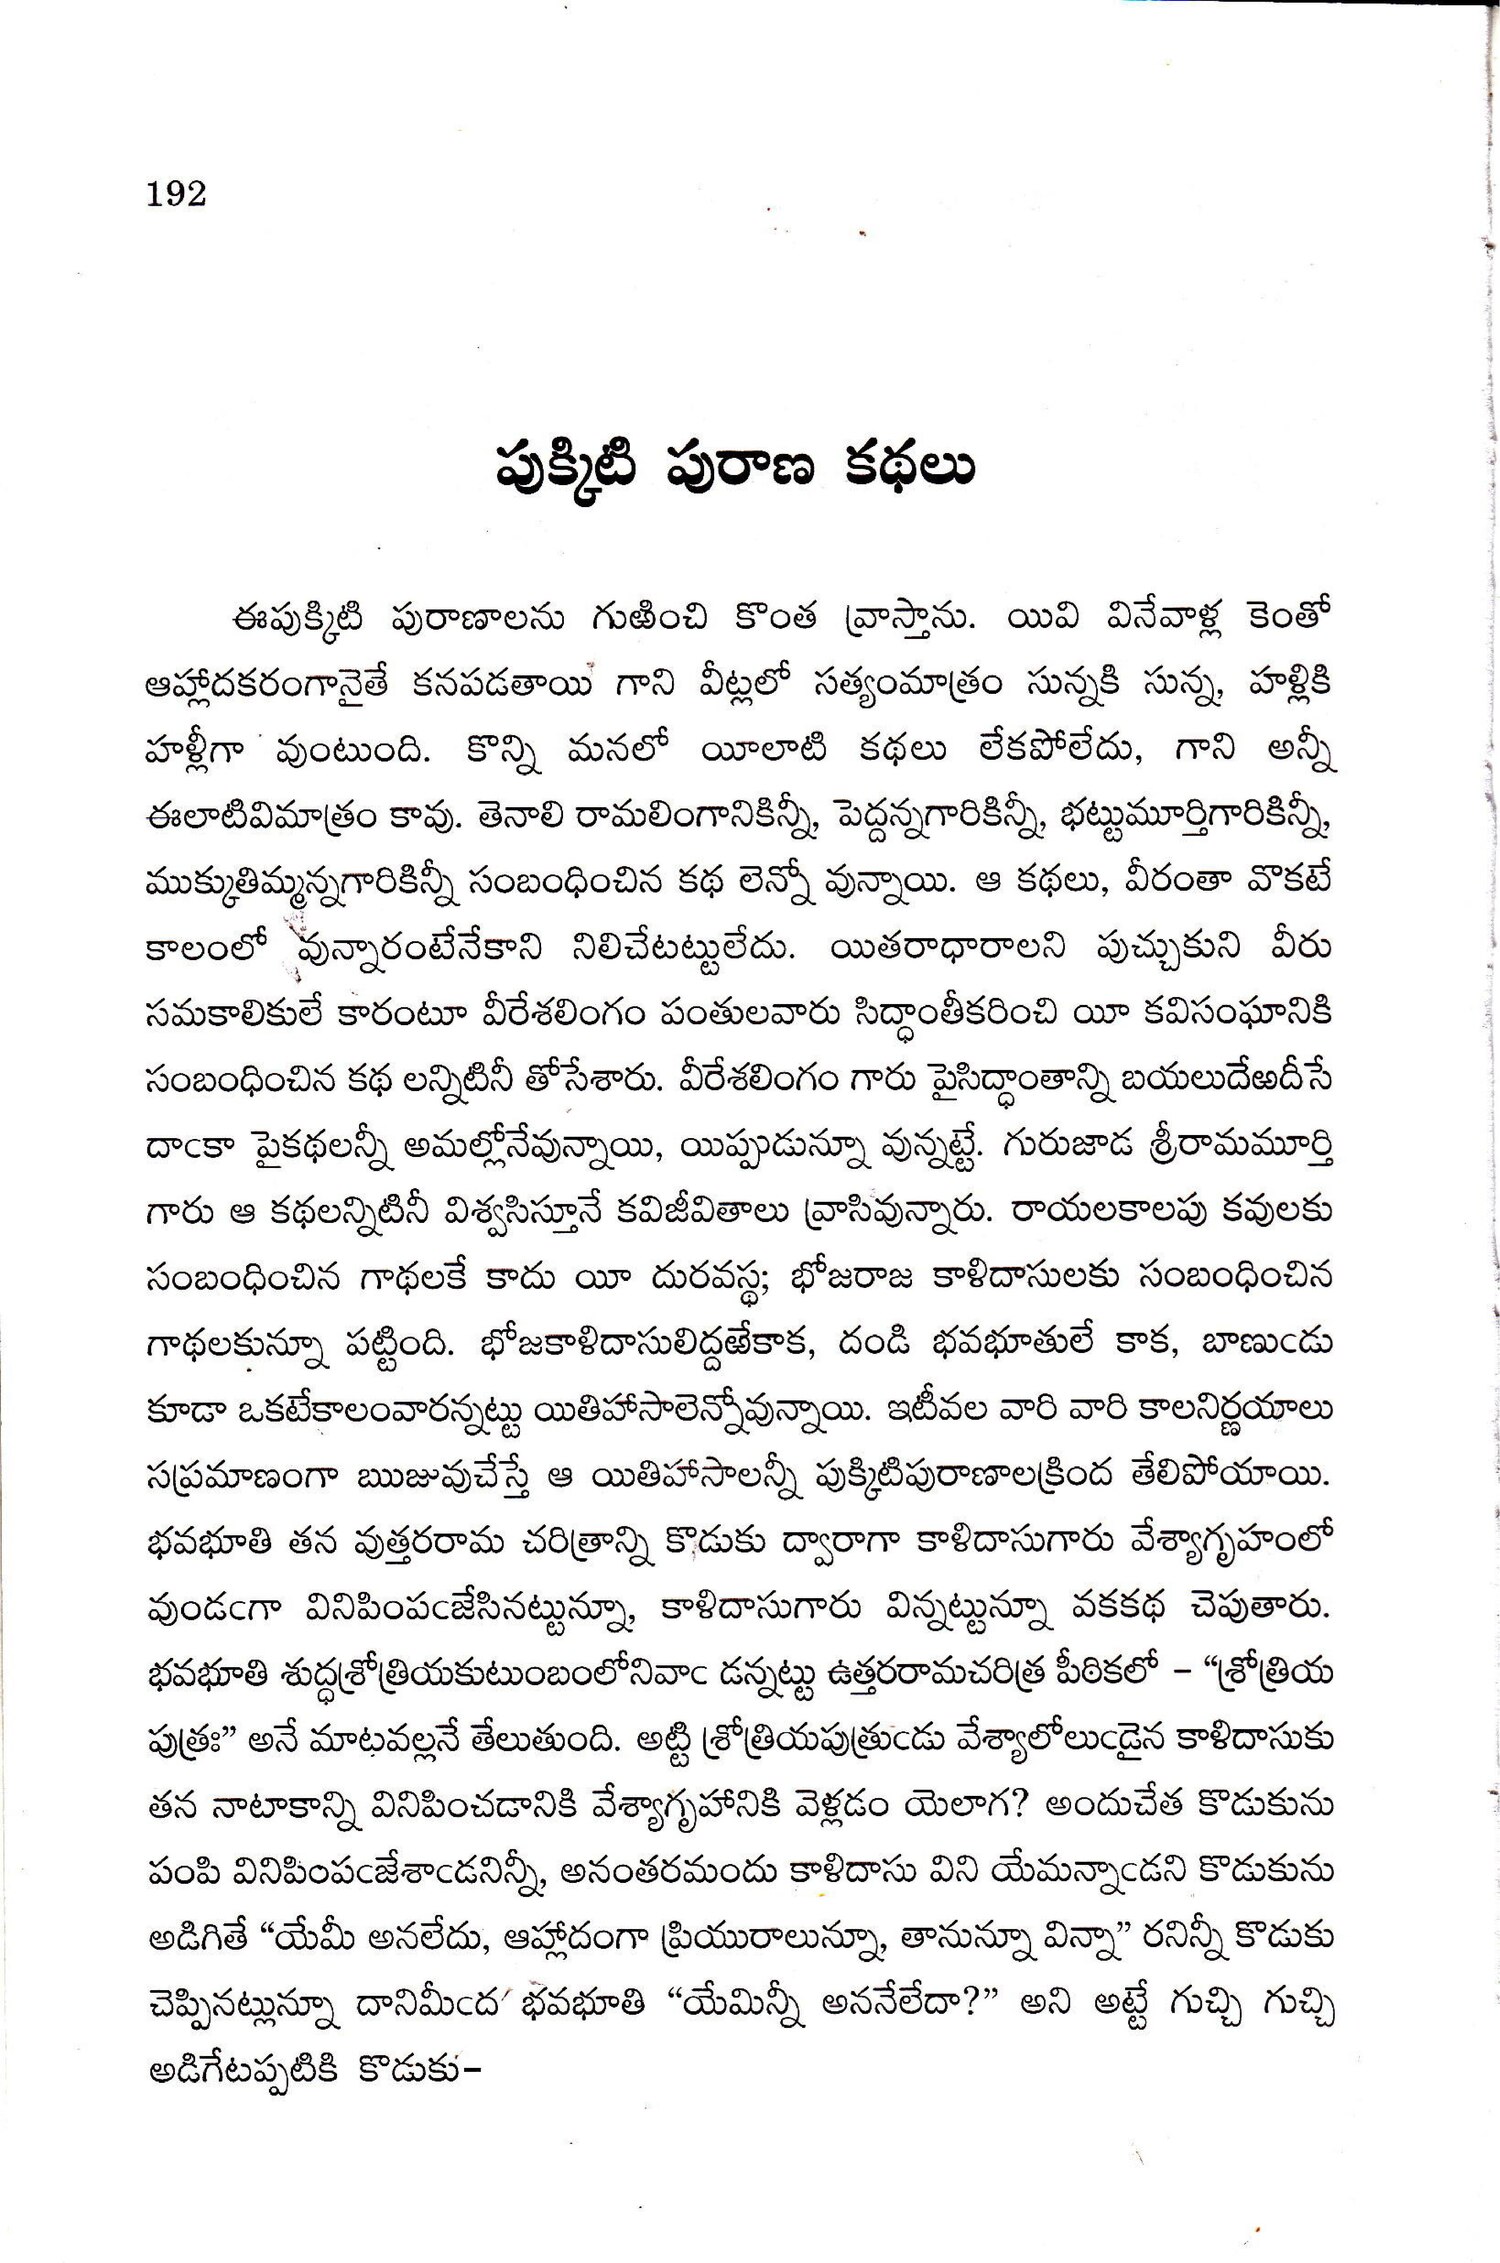పుక్కిటి పురాణ కథలు

ఈపుక్కిటి పురాణాలను గుఱించి కొంత వ్రాస్తాను. యివి వినేవాళ్ల కెంతో ఆహ్లాదకరంగానైతే కనపడతాయి గాని వీట్లలో సత్యంమాత్రం సున్నకి సున్న హళ్లికి హళ్లీగా వుంటుంది. కొన్ని మనలో యీలాటి కథలు లేకపోలేదు, గాని అన్నీ ఈలాటివిమాత్రం కావు. తెనాలి రామలింగానికిన్నీ పెద్దన్నగారికిన్నీ భట్టుమూర్తిగారికిన్నీ ముక్కుతిమ్మన్నగారికిన్నీ సంబంధించిన కథ లెన్నో వున్నాయి. ఆ కథలు, వీరంతా వొకటే కాలంలో వున్నారంటేనేకాని నిలిచేటట్టులేదు. యితరాధారాలని పుచ్చుకుని వీరు సమకాలికులే కారంటూ వీరేశలింగం పంతులవారు సిద్ధాంతీకరించి యీ కవిసంఘానికి సంబంధించిన కథ లన్నిటినీ తోసేశారు. వీరేశలింగం గారు పైసిద్దాంతాన్ని బయలుదేఱదీసే దాఁకా పైకథలన్నీ అమల్లోనేవున్నాయి, యిప్పుడున్నూ వున్నట్టే గురజాడ శ్రీరామమూర్తి గారు ఆ కథలన్నిటినీ విశ్వసిస్తూనే కవిజీవితాలు వ్రాసివున్నారు. రాయలకాలపు కవులకు సంబంధించిన గాథలకే కాదు యీ దురవస్థ భోజరాజ కాళిదాసులకు సంబంధించిన గాథలకున్నూ పట్టింది. భోజకాళిదాసులిద్దఱేకాక, దండి భవభూతులే కాక, బాణుఁడు కూడా ఒకటేకాలంవారన్నట్టు యితిహాసాలెన్నోవున్నాయి. ఇటీవల వారి వారి కాలనిర్ణయాలు సప్రమాణంగా ఋజువుచేస్తే ఆ యితిహాసాలన్నీ పుక్కిటిపురాణాలక్రింద తేలిపోయాయి. భవభూతి తన వత్తరరామ చరిత్రాన్ని కొడుకు ద్వారాగా కాళిదాసుగారు వేశ్యాగృహంలో వుండఁగా వినిపింపఁజేసినట్టున్నూ, కాళిదాసుగారు విన్నట్టున్నూ వకకథ చెపుతారు. భవభూతి శుద్ధశ్రోత్రియకుటుంబంలోనివాఁ డన్నట్టు ఉత్తరరామచరిత్ర పీఠికలో - "శ్రోత్రియ పుత్రః" అనే మాటవల్లనే తేలుతుంది. అట్టి శ్రోత్రియపుత్రుఁడు వేశ్యాలోలుఁడైన కాళిదాసుకు తన నాటాకాన్ని వినిపించడానికి వేశ్యాగృహానికి వెళ్లడం యెలాగ? అందుచేత కొడుకును పంపి వినిపింపఁజేశాఁడనిన్నీ అనంతరమందు కాళిదాసు విని యేమన్నాఁడని కొడుకును అడిగితే "యేమీ అనలేదు, ఆహ్లాదంగా ప్రియురాలున్నూ, తానున్నూ విన్నా"రనిన్నీ కొడుకు చెప్పినట్లున్నూ దానిమీఁద భవభూతి "యేమిన్నీ అననేలేదా?” అని అట్టే గుచ్చి గుచ్చి అడిగేటప్పటికి కొడుకు
-